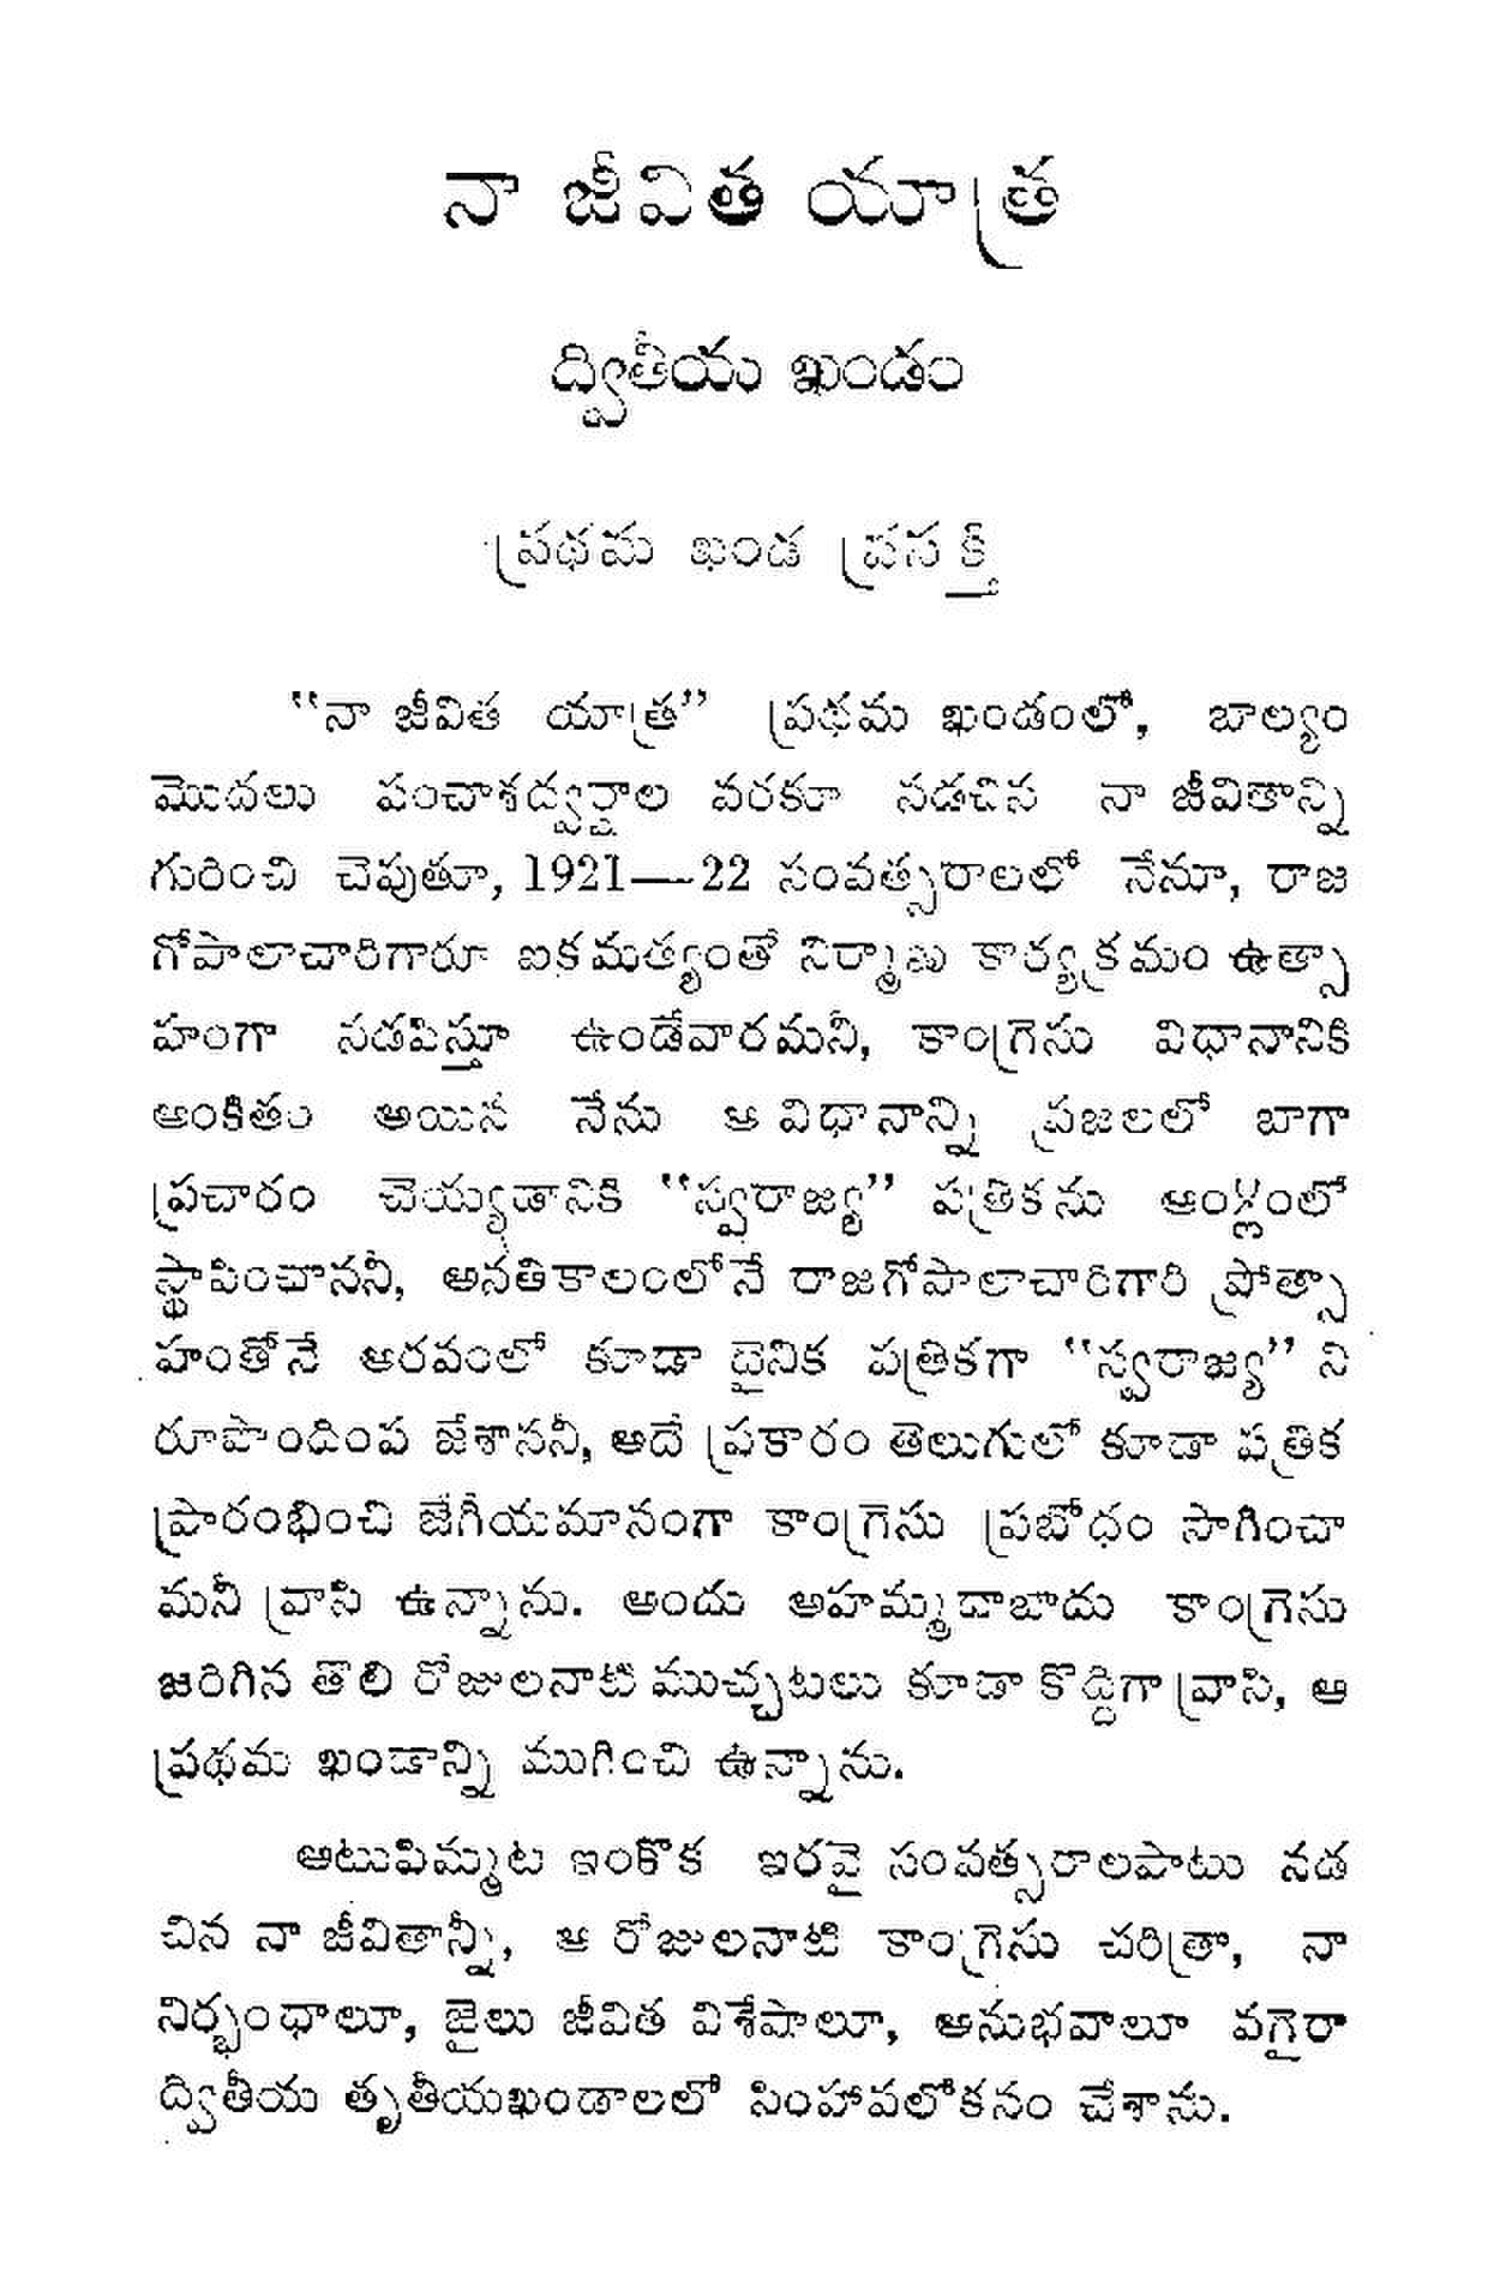"నా జీవిత యాత్ర" ప్రథమ ఖండంలో, బాల్యం మొదలు పంచాశద్వర్షాల వరకూ నడచిన నా జీవితాన్ని గురించి చెపుతూ, 1921-22 సంవత్సరాలలో నేనూ, రాజగోపాలాచారిగారూ ఐకమత్యంతో నిర్మాణ కార్యక్రమం ఉత్సాహంగా నడపిస్తూ ఉండేవారమని, కాంగ్రెసు విధానానికి అంకితం అయిన నేను ఆ విధానాన్ని ప్రజలలో బాగా ప్రచారం చెయ్యడానికి "స్వరాజ్య" పత్రికను ఆంగ్లంలో స్థాపించానని, అనతికాలంలోనే రాజగోపాలాచారి ప్రోత్సాహంతోనే అరవంలో కూడా దైనిక పత్రికగా "స్వరాజ్య" ని రూపొందింప జేశానని, అదే ప్రకారం తెలుగులో కూడా పత్రిక ప్రారంభించి జేగీయమానంగా కాంగ్రెసు ప్రబోధం సాగించామని వ్రాసి ఉన్నాను. అందు అహమ్మదాబాదు కాంగ్రెసు జరిగిన తొలి రోజులనాటి ముచ్చటలు కూడా కొద్దిగా వ్రాసి, ఆ ప్రథమ ఖండాన్ని ముగించి ఉన్నాను.

అటుపిమ్మట ఇంకొక ఇరవై సంవత్సరాలపాటు నడచిన నా జీవితాన్నీ, ఆ రోజులనాటి కాంగ్రెసు చరిత్రా, నానిర్భంధాలూ, జైలు జీవిత విశేషాలూ, అనుభవాలు వగైరా ద్వితీయ తృతీయఖండాలలో సింహాపలోకనం చేశాను.